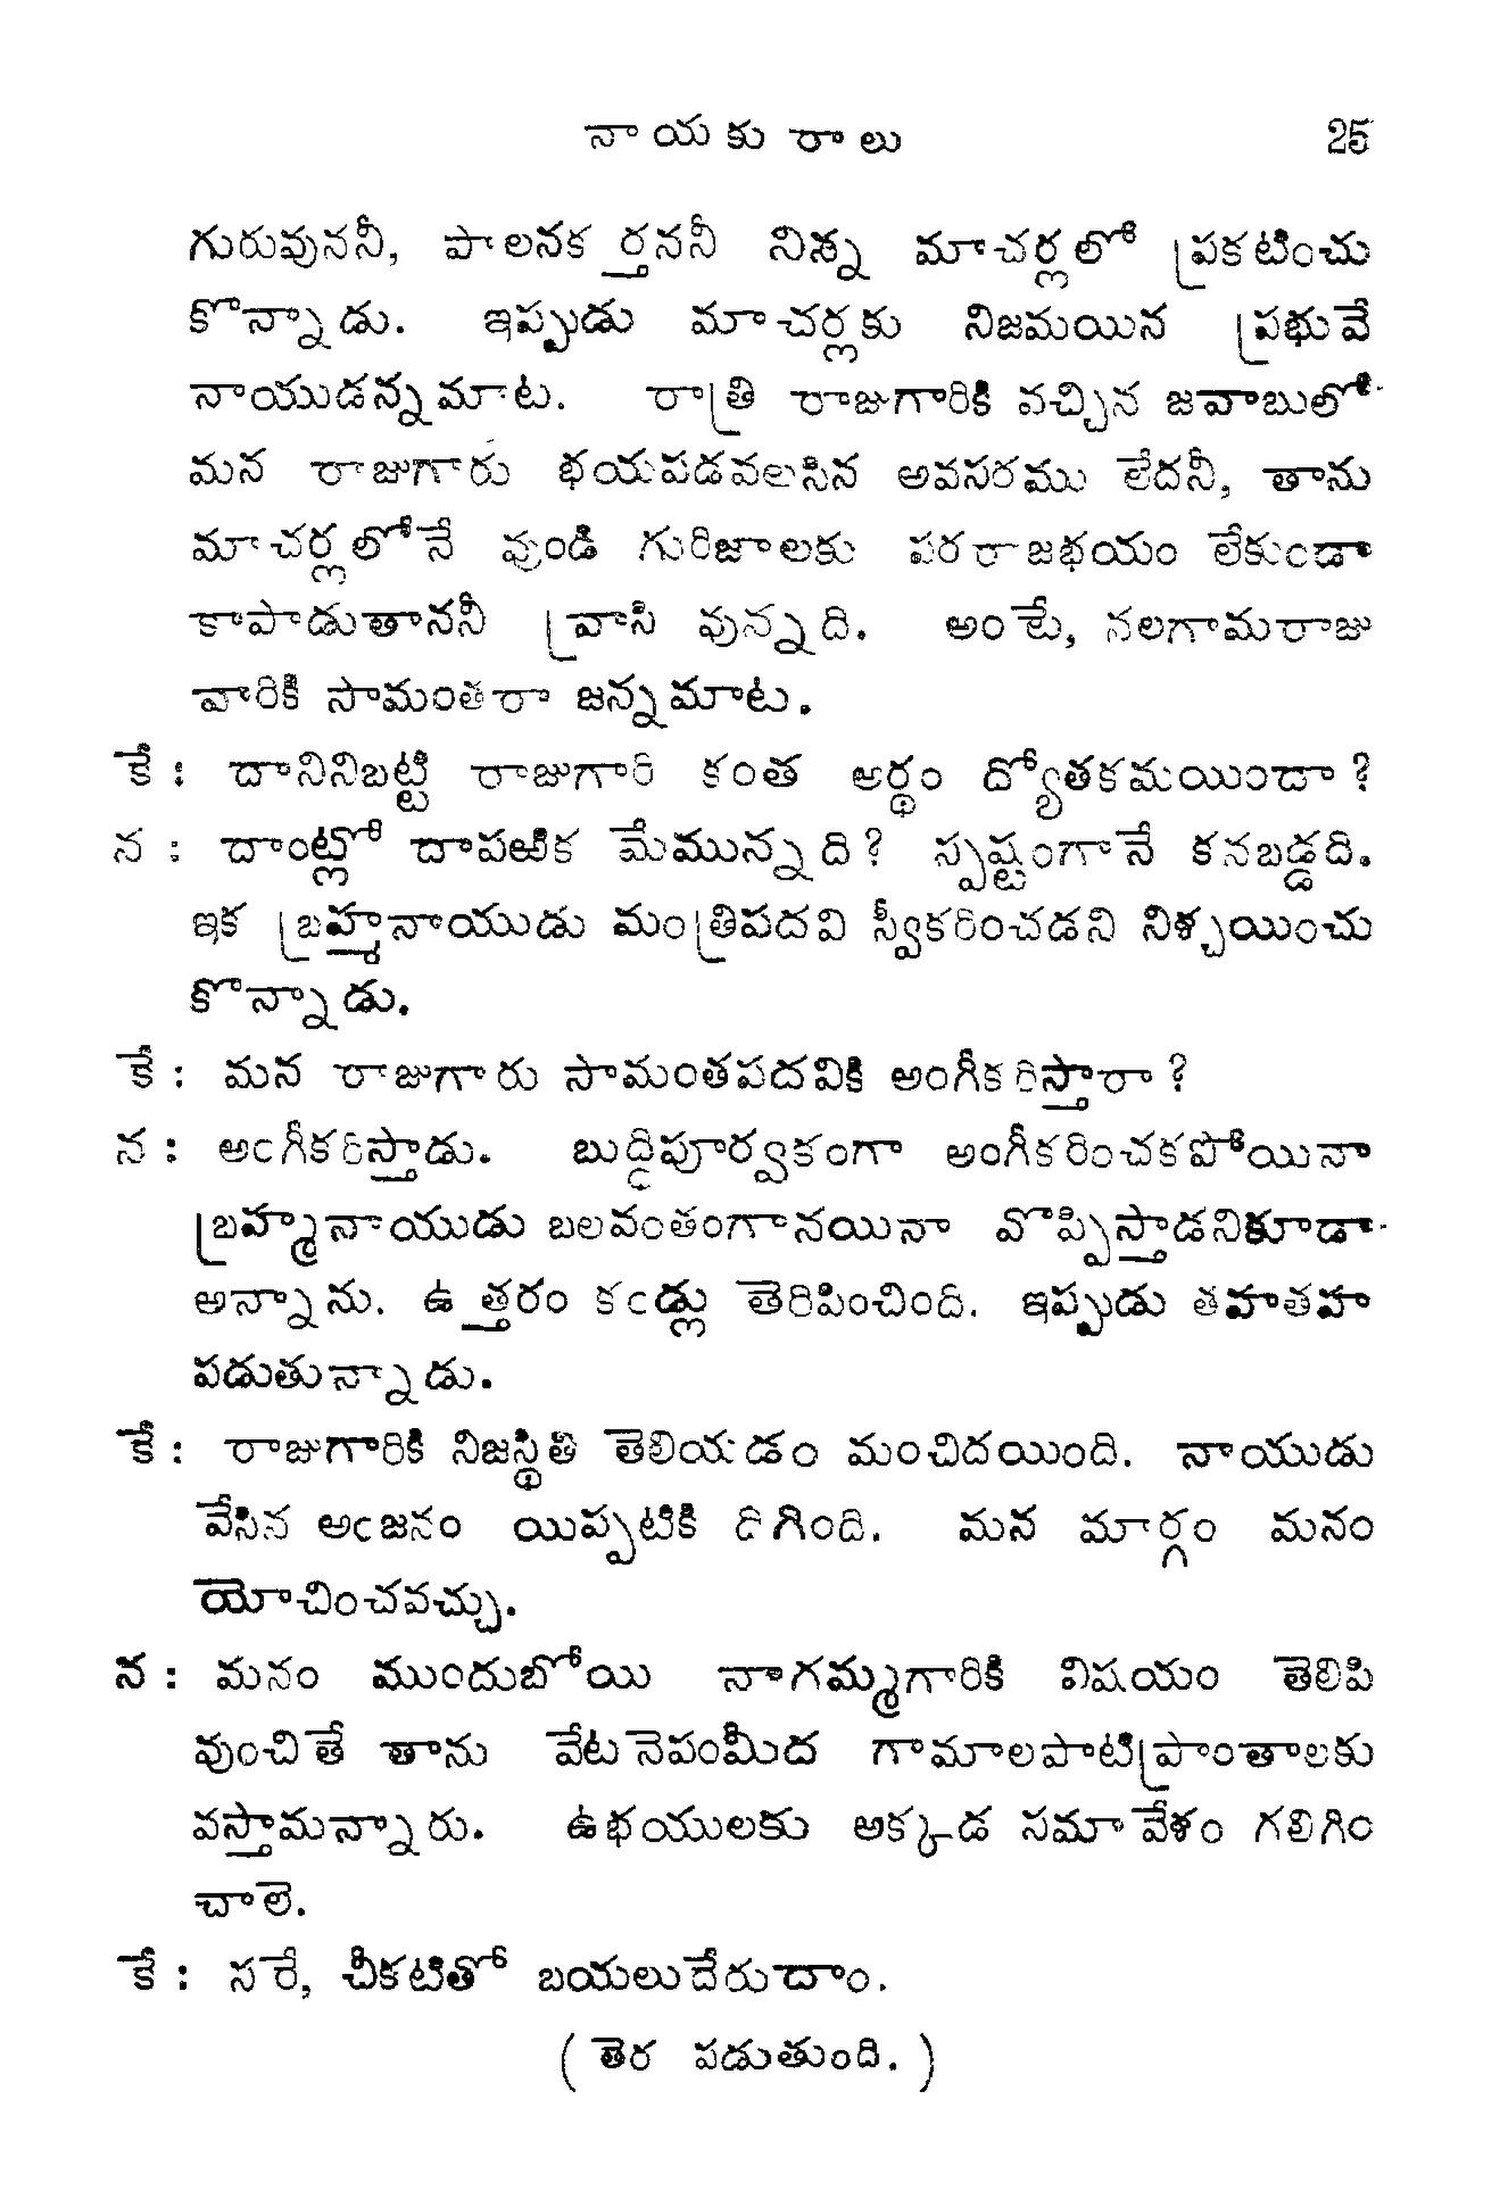గురువుననీ, పాలనకర్తననీ నిన్న మాచర్లలో ప్రకటించుకొన్నాడు. ఇప్పుడు మాచర్లకు నిజమయిన ప్రభువే నాయుడన్నమాట. రాత్రి రాజుగారికి వచ్చిన జవాబులో మన రాజుగారు భయపడవలసిన అవసరము లేదనీ, తాను మాచర్లలోనే వుండి గురిజాలకు పరరాజభయం లేకుండా కాపాడుతాననీ వ్రాసి వున్నది. అంటే, నలగామరాజు వారికి సామంతరా జన్నమాట.

కే : దానినిబట్టి రాజుగారి కంత అర్థం ద్యోతకమయిందా ?

న : దాంట్లో దాపఱిక మేమున్నది? స్పష్టంగానే కనబడ్డది. ఇక బ్రహ్మనాయుడు మంత్రిపదవి స్వీకరించడని నిశ్చయించుకొన్నాడు.

కే: మన రాజుగారు సామంతపదవికి అంగీకరిస్తారా ?

న: అంగీకరిస్తాడు. బుద్ధిపూర్వకంగా అంగీకరించకపోయినా బ్రహ్మనాయుడు బలవంతంగానయినా వొప్పిస్తాడనికూడా అన్నాను. ఉత్తరం కండ్లు తెరిపించింది. ఇప్పుడు తహతహ పడుతున్నాడు.

కే: రాజుగారికి నిజస్థితి తెలియడం మంచిదయింది. నాయుడు వేసిన అంజనం యిప్పటికి దిగింది. మన మార్గం మనం యోచించవచ్చు.

న: మనం ముందుబోయి నాగమ్మగారికి విషయం తెలిపి వుంచితే తాను వేటనెపంమీద గామాలపాటి ప్రాంతాలకు వస్తామన్నారు. ఉభయులకు అక్కడ సమా వేశం గలిగించాలె.

కే: సరే, చీకటితో బయలుదేరుదాం.